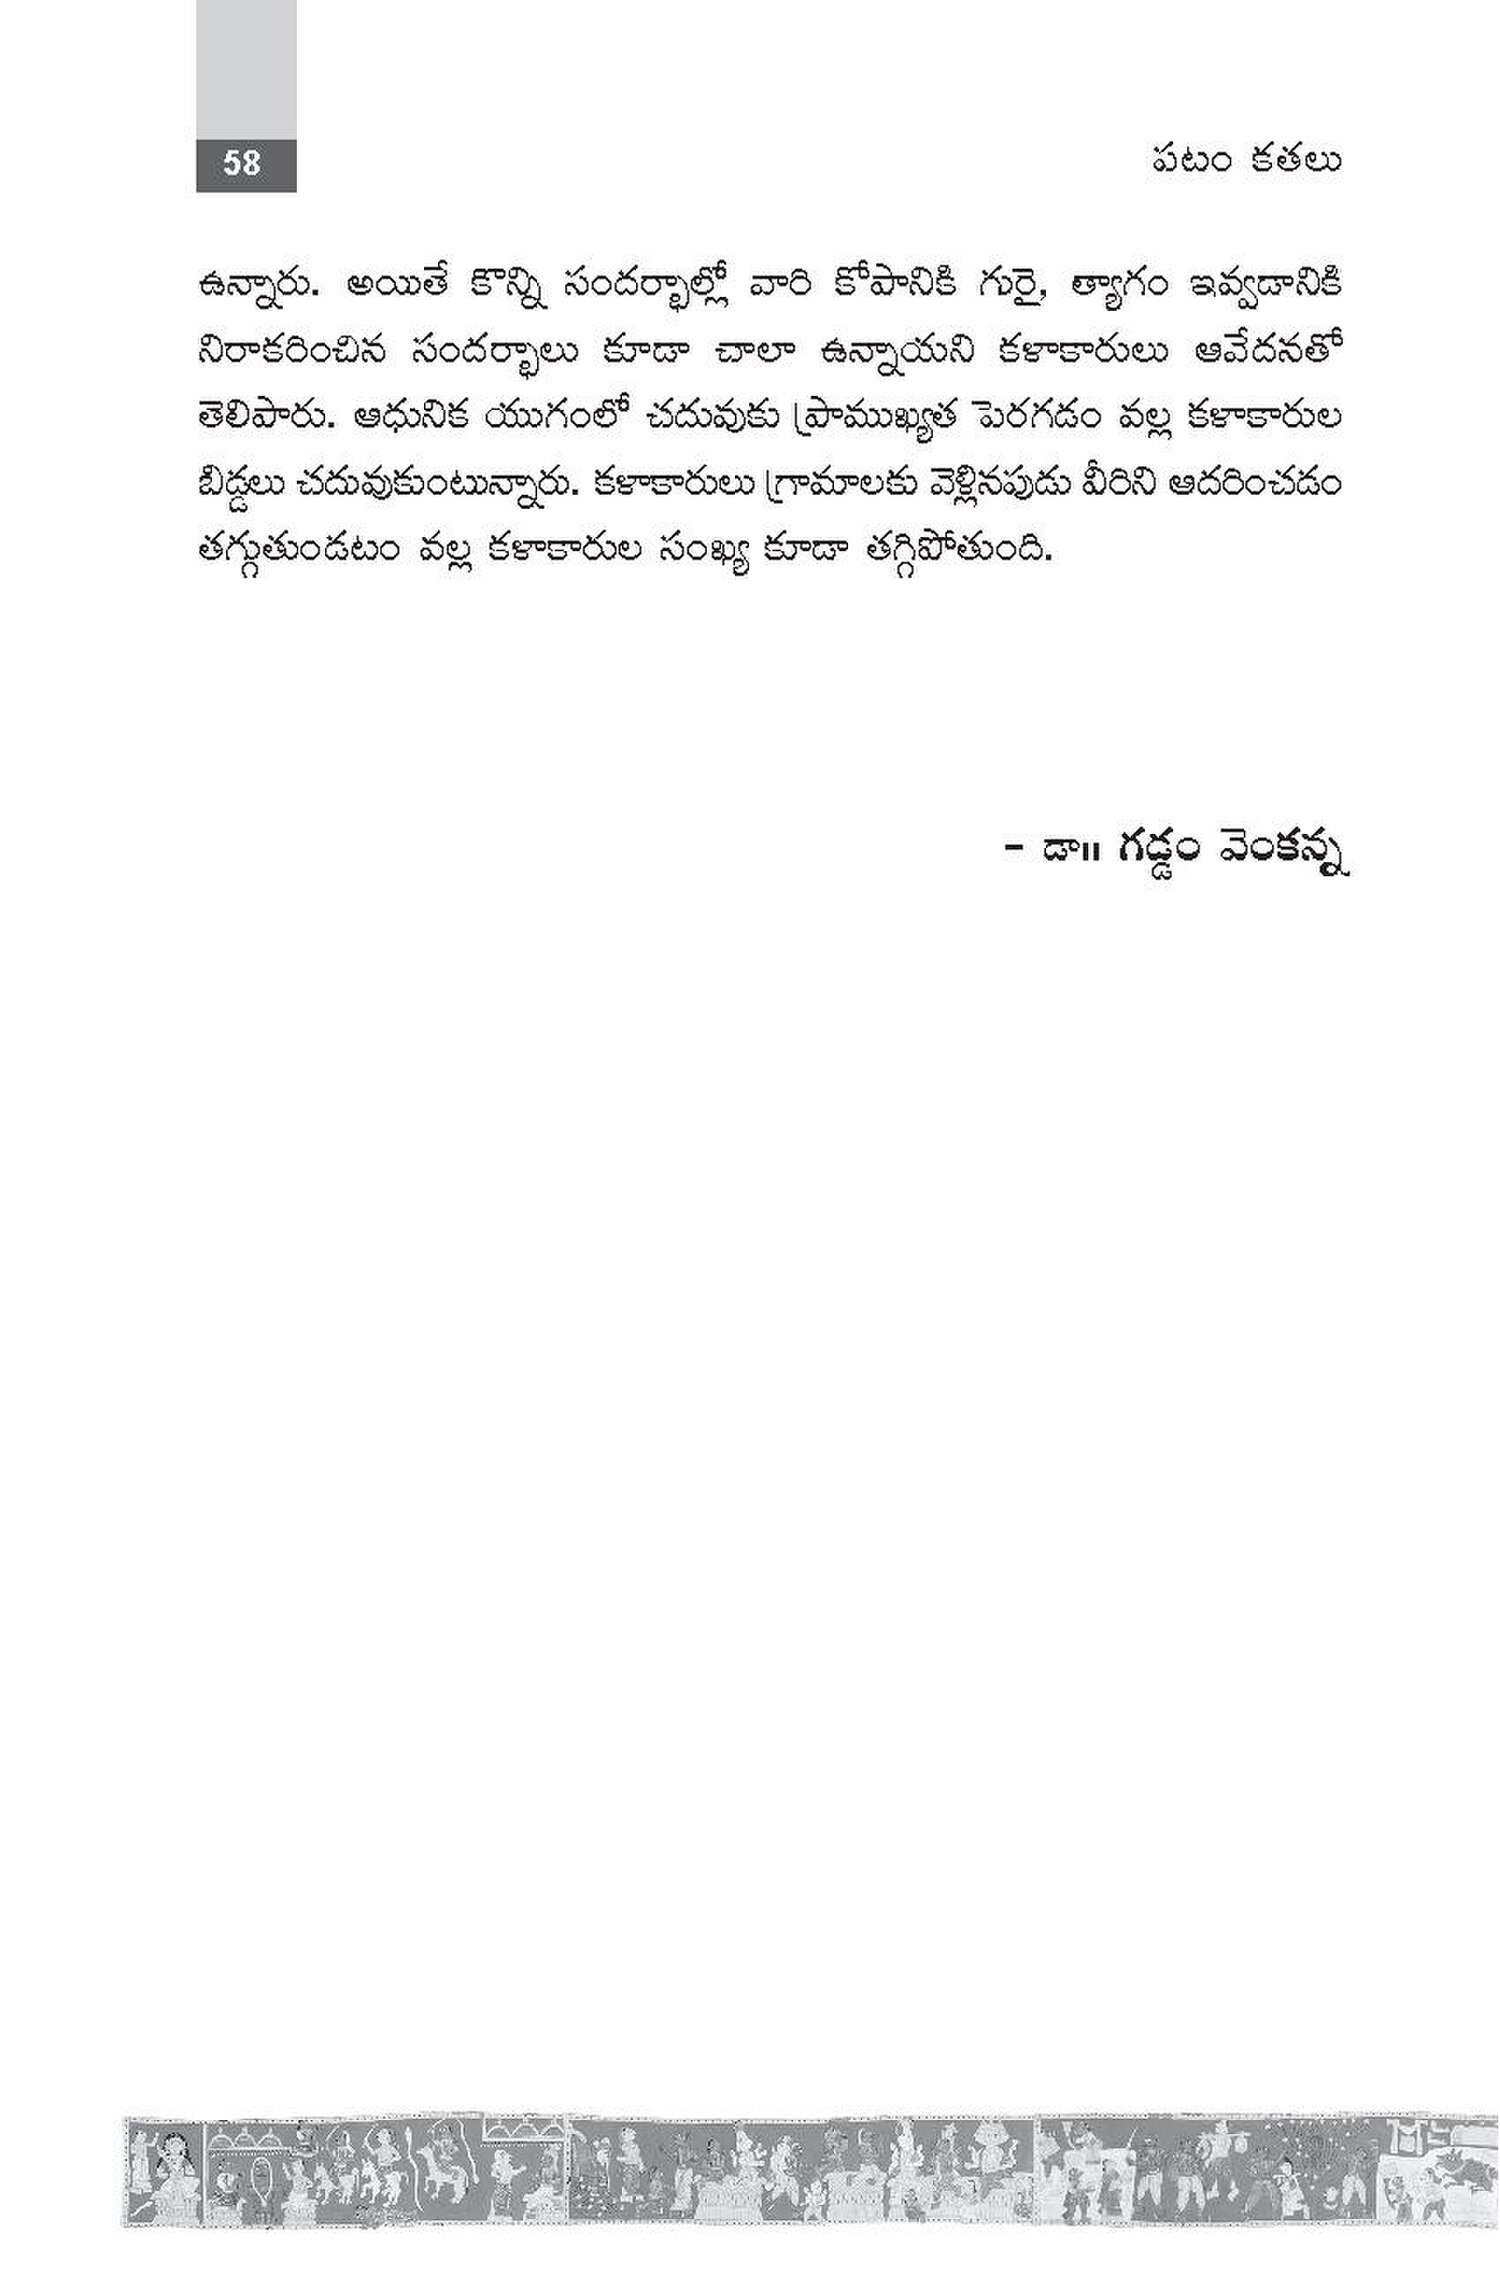ఉన్నారు. అయితే కొన్ని సందర్భాల్లో వారి కోపానికి గురై, త్యాగం ఇవ్వడానికి నిరాకరించిన సందర్భాలు కూడా చాలా ఉన్నాయని కళాకారులు ఆవేదనతో తెలిపారు. ఆధునిక యుగంలో చదువుకు ప్రాముఖ్యత పెరగడం వల్ల కళాకారుల
బిడ్డలు చదువుకుంటున్నారు. కళాకారులు గ్రామాలకు వెళ్లినపుడు వీరిని ఆదరించడం తగ్గుతుండటం వల్ల కళాకారుల సంఖ్య కూడా తగ్గిపోతుంది.